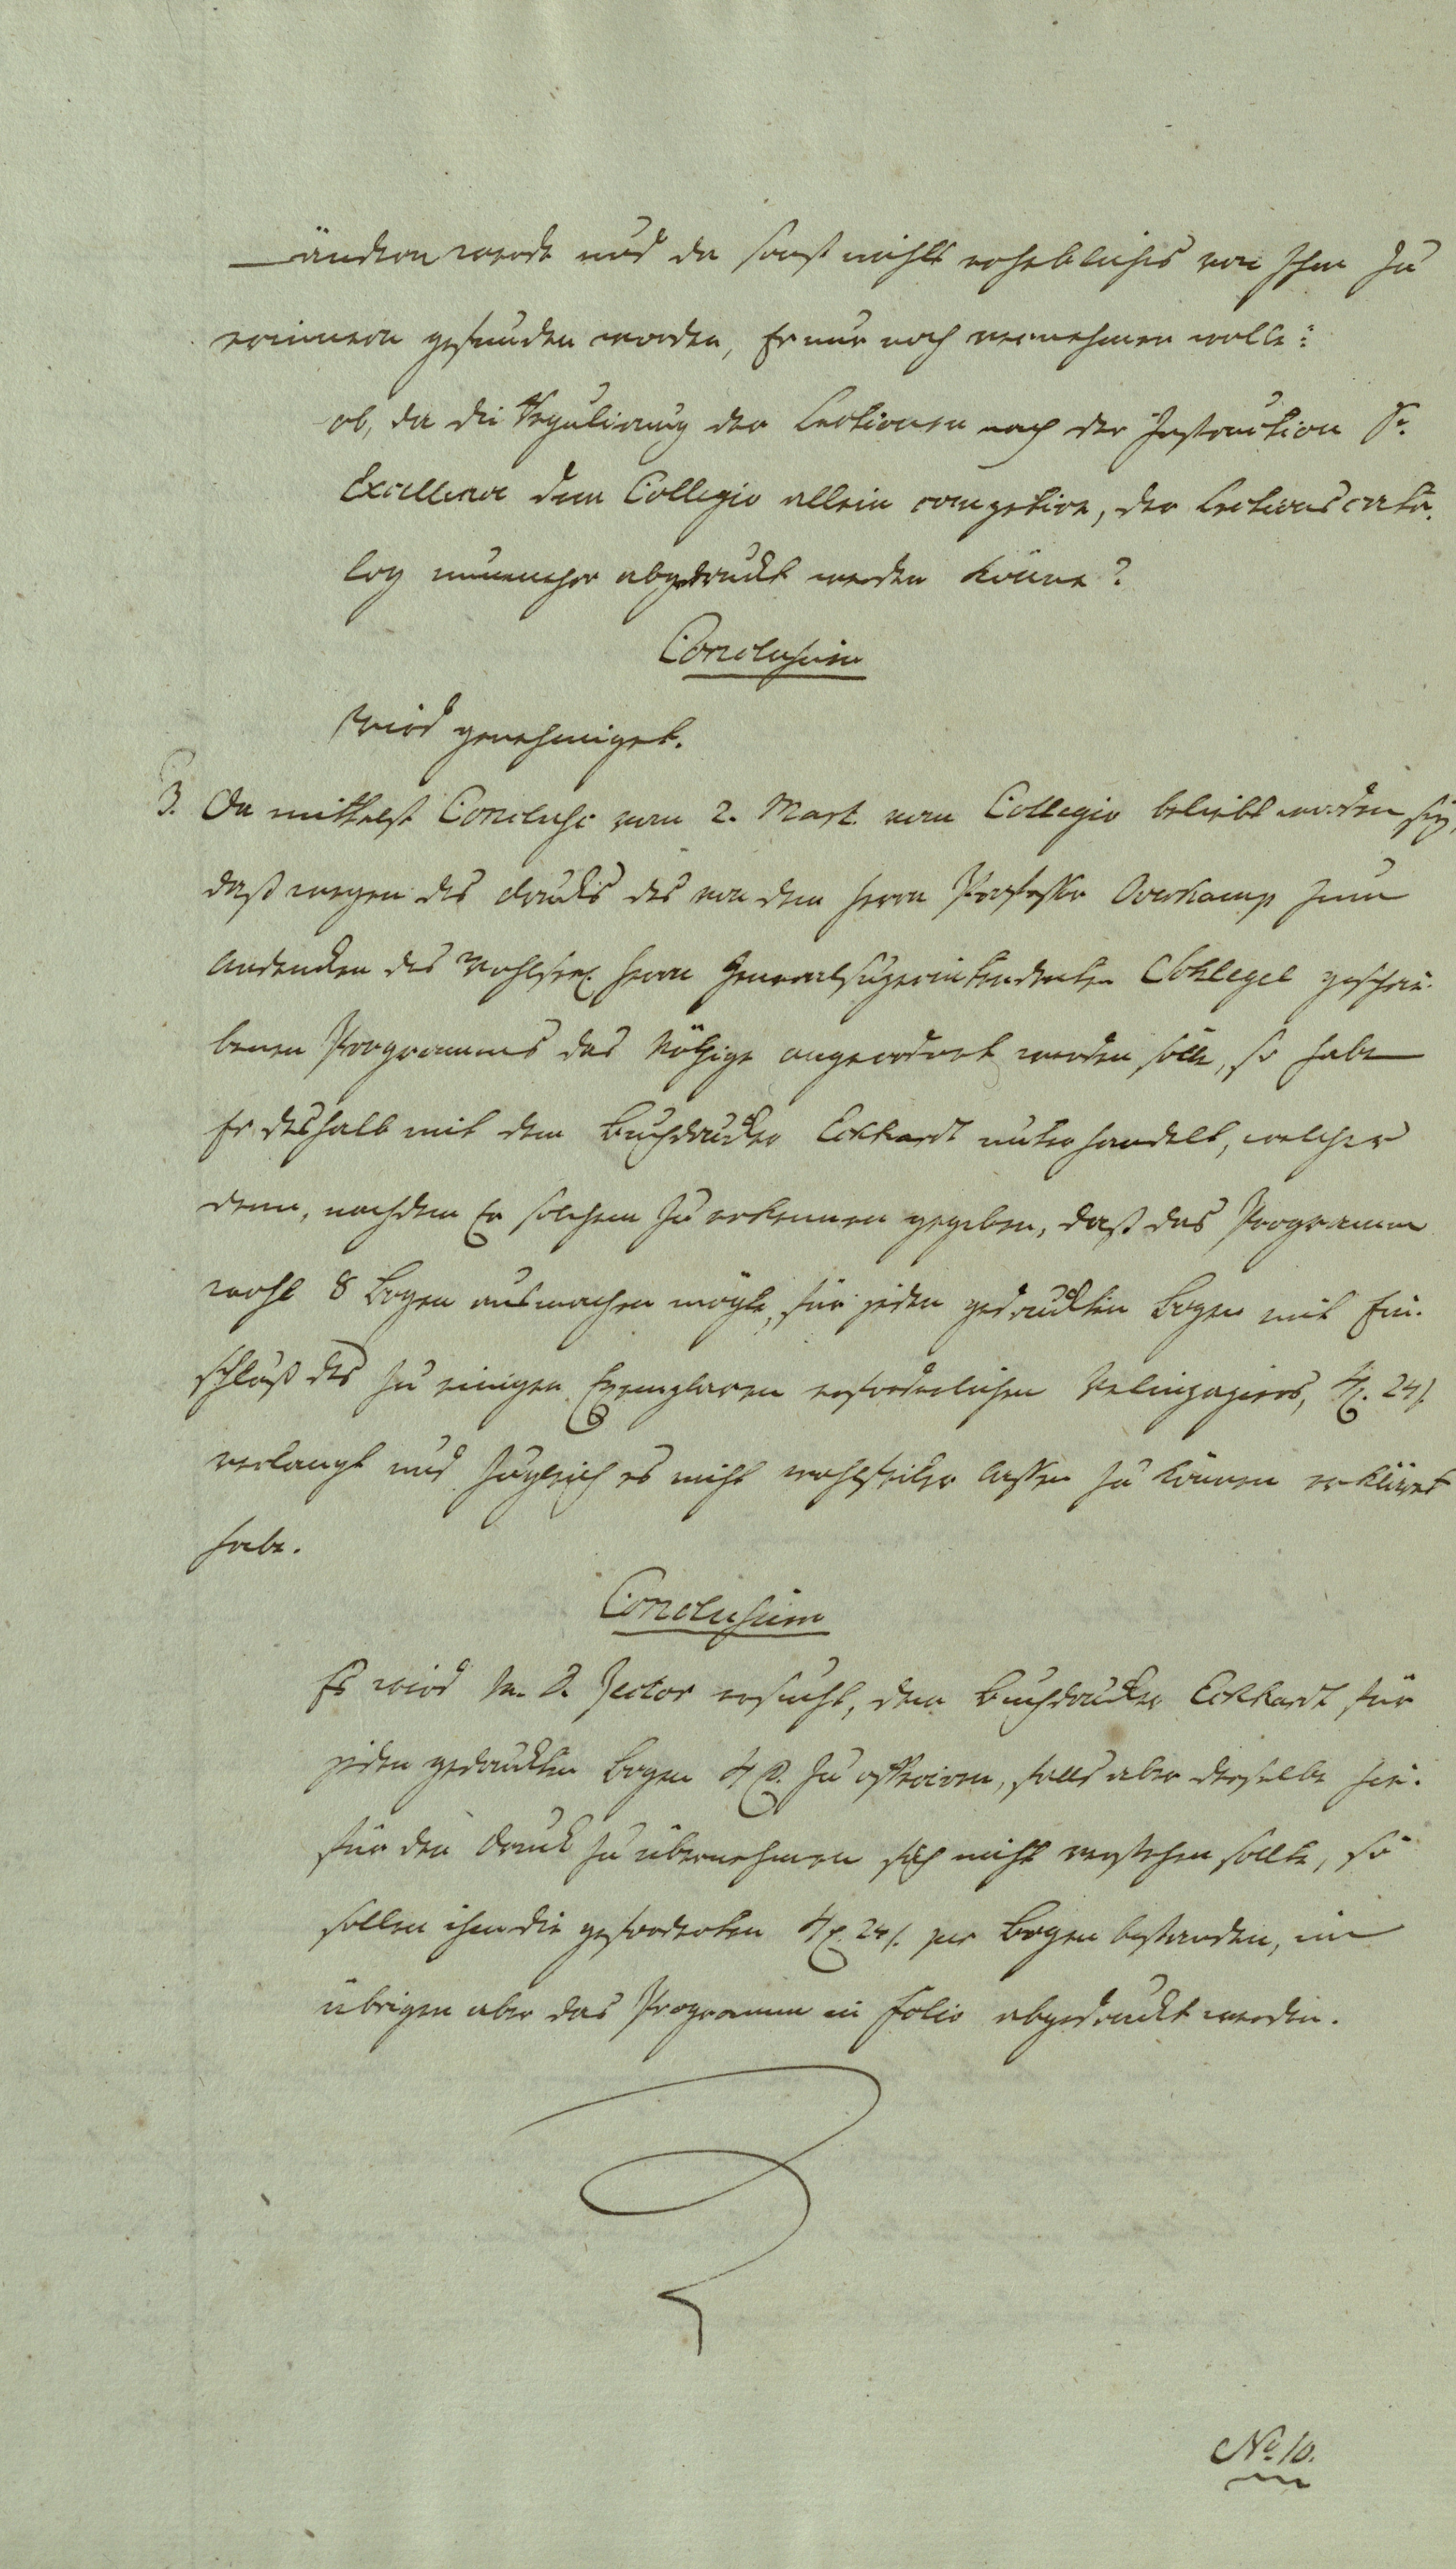ändern werde und da sonst nichts erhebliches von Ihm zu
erinnern gefunden worden, Er nur noch vernehmen wolle:
ob, da die Regulirung der Lectionen nach der Instruction Sr.
Excellence dem Collegio allein competire, der Lectionscata¬
log nunmehro abgedruckt werden könne?
Conclusum
Wird genehmiget.
3. Da mittelst Concluso vom 2. Mart vom Collegio beliebt worden seÿ,
daß wegen des Drucks des von dem Herrn Professor Overkamp zum
Andencken des Wohlseel. Herrn Generalsuperintendenten Schlegel geschrie¬
benen Programms das Nöthige angeordnet werden solle, so habe
Er deshalb mit dem Buchdrucker Eckhardt unterhandelt, welcher
denn, nachdem Er solchem zu erkennen gegeben, daß das Programm
wohl 8 Bogen ausmachen mögte, für jeden gedruckten Bogen mit Ein¬
schluß des zu einigen Exemplaren erforderlichen Velinpapires, 4l. 24s.
verlangt und zugleich es nicht wohlfeiler lassen zu können erkläret
habe.
Conclusum
Es wird M. D. Rector ersucht, dem Buchdrucker Eckhardt für
jeden gedruckten Bogen 4l. zu offeriren, falls aber derselbe hie¬
für den Druck zu übernehmen sich nicht verstehen sollte, so
sollen ihm die geforderten 4l. 24 s. per Bogen bestanden, im
übrigen aber das Programm in Folio abgedruckt werden.
Nº 10.